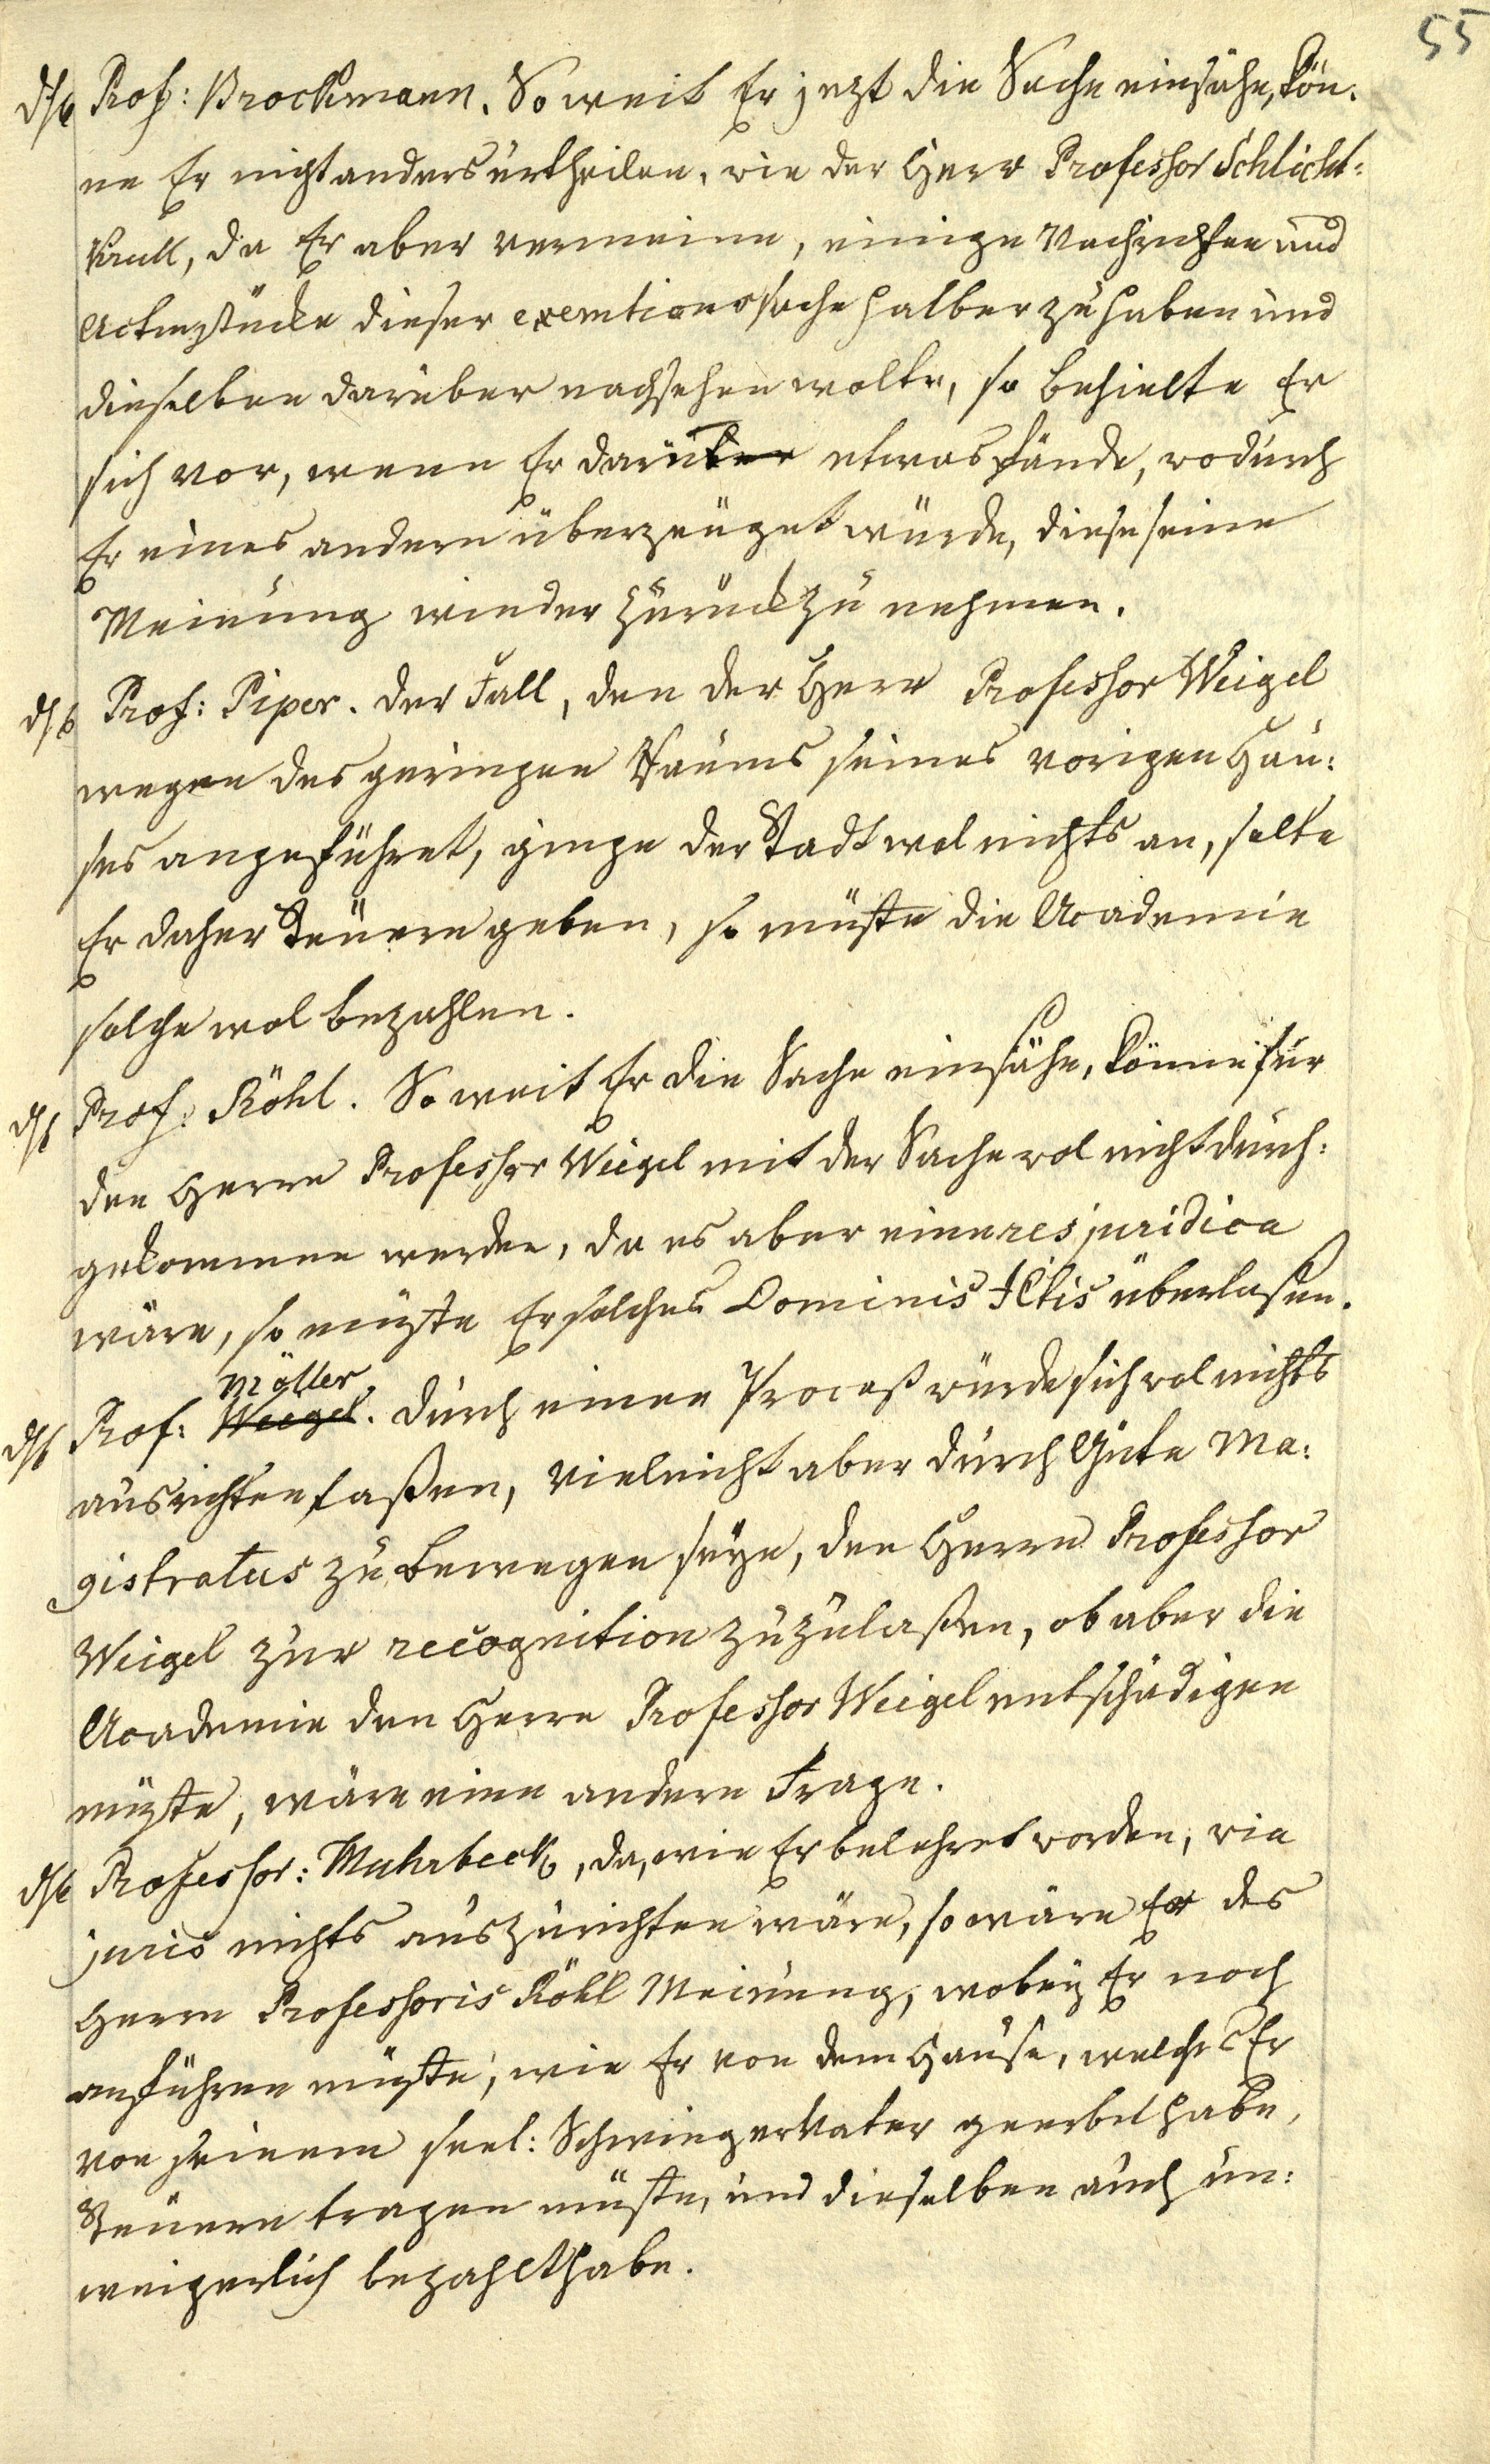dh Prof. Brockmann. So weit Er jezt die Sache einsähe kön¬
ne Er nicht anders urtheilen, wie der Herr Professor Schlicht¬
krull, da Er aber vermeine, einige Nachrichten und
Actenstücke dieser exemtionssache halber zu haben und
dieselben darüber nachsehen wolte, so behielte Er
sich vor, wenn Er darüber etwas fände, wodurch
Er eines andern überzeuget würde, diese seine
Meinung wieder zurückzunehmen.
dh. Prof. Piper. Der Fall, den der Herr Professor Weigel
wegen des geringen Raums seines vorigen Hau¬
ses angeführet, ginge der Stadt wol nichts an, solte
Er daher Steuern geben, so müste die Academie
solche wol bezahlen.
dh Prof. Röhl. Soweit Er den Sache einsähe, könne für
den Herrn Professor Weigel mit der Sache wol nicht durch¬
gekommen werden, da es aber eine res juridica
wäre, so müste Er solches Dominis Ictis überlaßen.
dh Prof. Möller. Durch einen Proceß würde sich wol nichts
ausrichten laßen, vieleicht aber durch Güte Ma¬
gistratus zu bewegen seÿn, den Herrn Professor
Weigel zur recognition zu zulaßen, ob aber die
Academie den Herrn Professor Weigel entschädigen
müste, wäre eine andere Frage.
dh. Professor. Muhrbeck, Da wie Er belehret worden, via
juris nichts auszurichten wäre, so wäre Er des
Herrn Professoris Röhl Meinung wobeÿ Er noch
anführen müste, wie Er von dem Hause, welches Er
von seinem seel. Schwiegervater geerbet habe,
Steuern tragen müste, und dieselben auch un¬
weigerlich bezahlt habe.